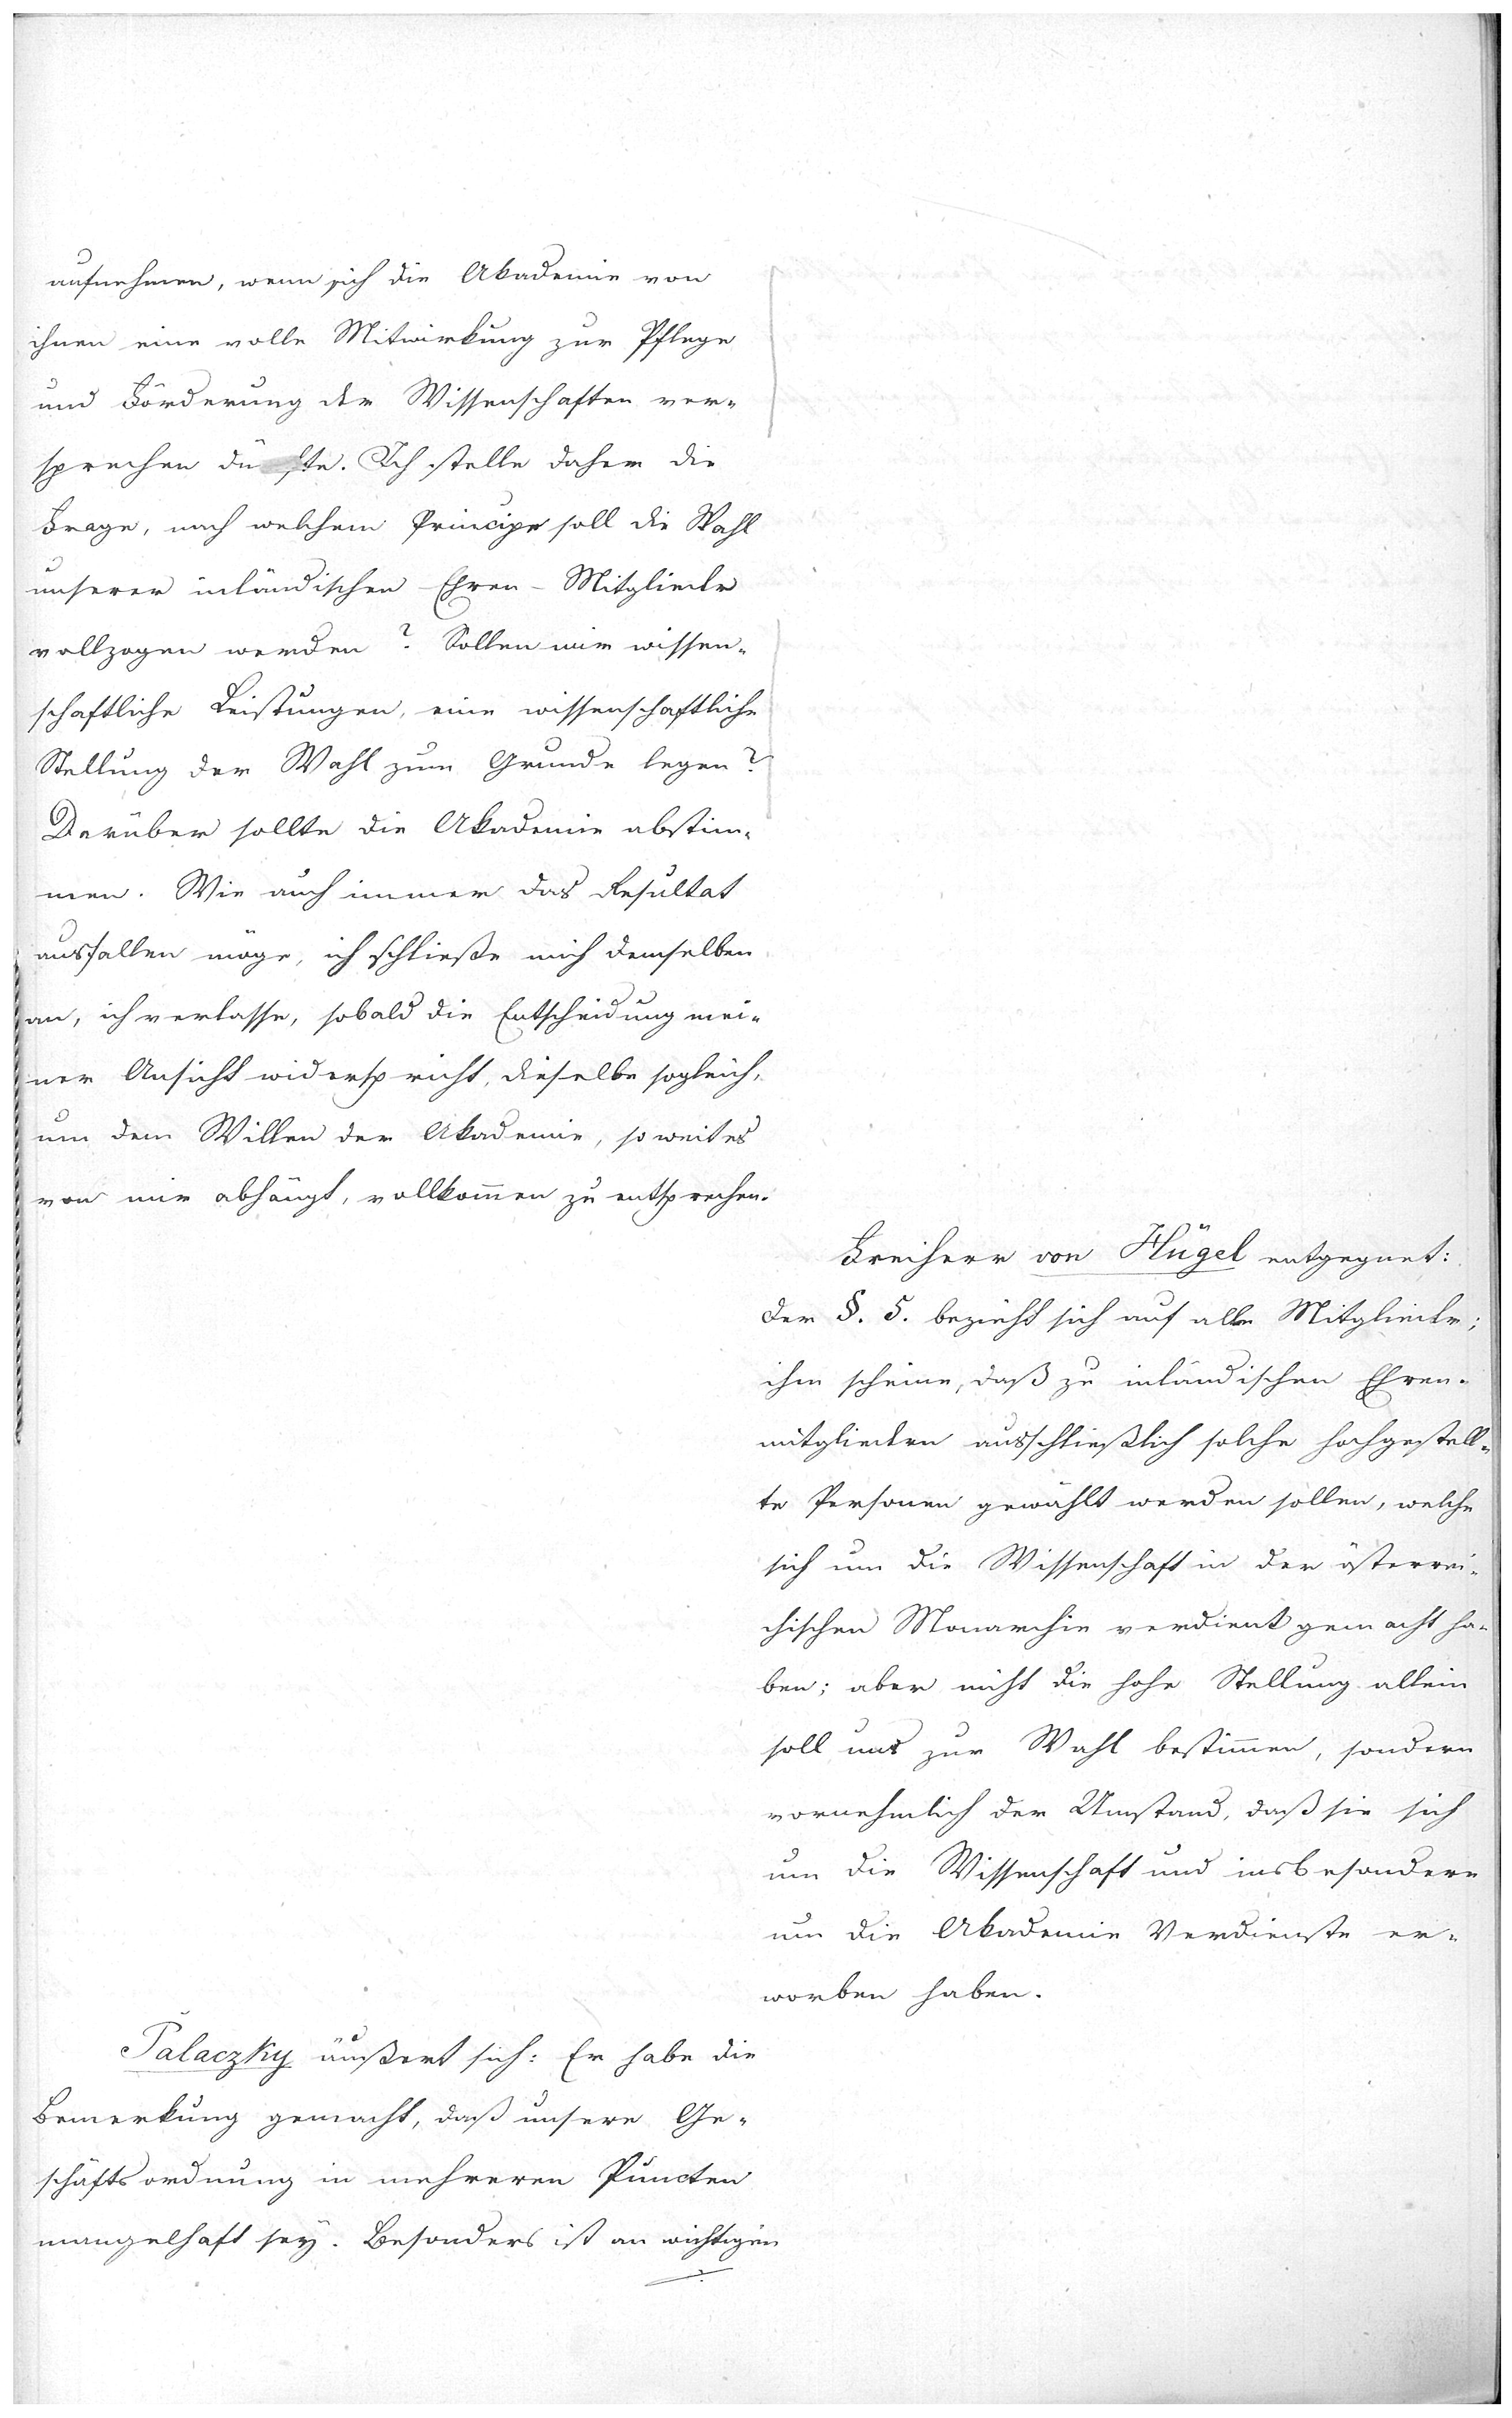aufnehmen, wenn sich die Akademie von
ihnen eine volle Mitwirkung zur Pflege
und Förderung der Wissenschaften ver-
sprechen dürfte. Ich stelle daher die
Frage, nach welchem Principe soll die Wahl
aunderer inländischen Ehren-Mitglieder
vollzogen werden? Sollen wir wissen-
schaftliche Leistungen, eine wissenschaftliche
Stellung der Wahl zum Grunde legen?
Darüber sollte die Akademie abstim-
men. Wie auch immer das Resultat
ausfallen möge, ich schließe mich demselben
an, ich verlasse, sobald die Entscheidung mei-
ner Ansicht widerspricht, dieselbe sogleich
um dem Willen der Akademie, so weit es
von mir abhängt, vollkommen zu entsprechen.
Freiherr von Hügel entgegnet:
Der §. 5. bezieht sich auf alle Mitglieder,
ihm scheine, daß zu inländischen Ehren-
mitgliedern ausschließlich solche hochgestell-
te Personen gewählt werden sollen, welche
sich um die Wissenschafts in der österrei-
chischen Monarchie verdient gemacht ha-
ben, aber nicht die hohe Stellung allein
soll uns zur Wahl bestimmen, sondern
vornehmlich der Umstand, daß sie sich
um die Wissenschaft und insbesondere
um die Akademie Verdienste er-
worben haben.
Palaczky äußert sich: Er habe die
Bemerkung gemacht, daß unsere Ge-
schäftsordnung in mehreren Puncten
mangelhaft sey. Besonders ist an wichtigen